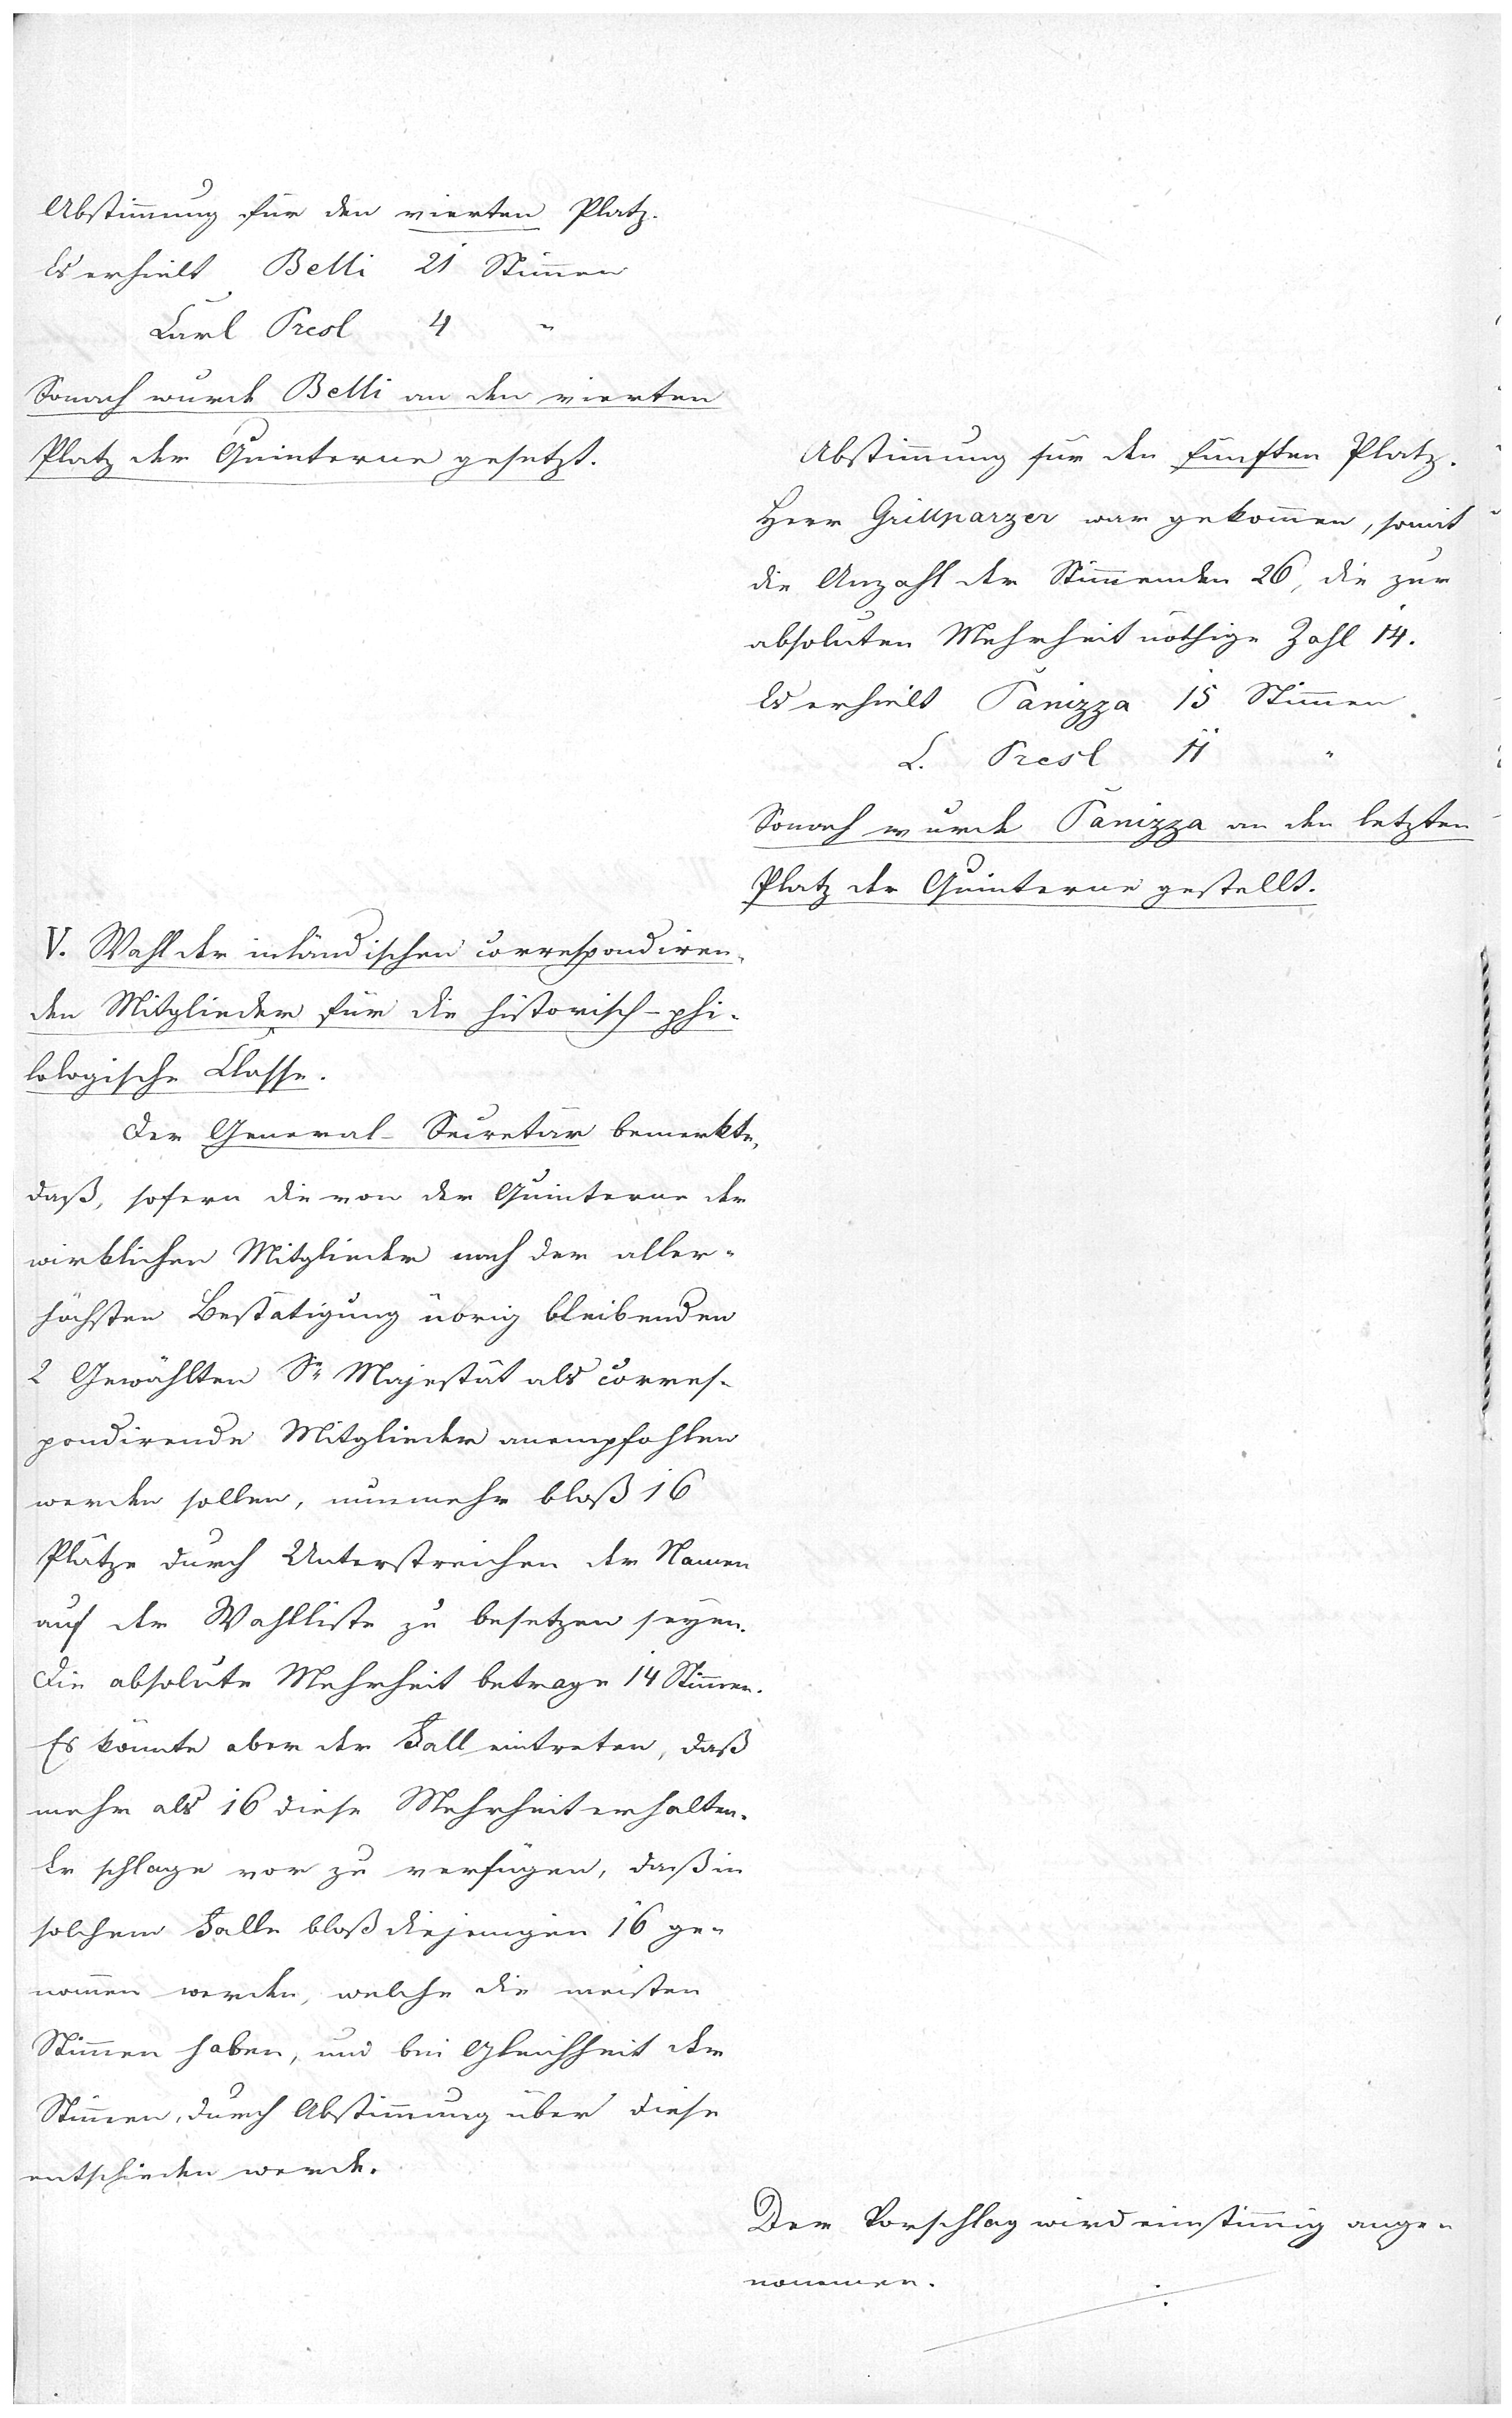Abstimmung für den vierten Platz.
Es erhielt Belli 21 Stimmen
Carl Presl 4 "
Sonach wurde Belli an den vierten
Platz der Quinterne gesetzt.
Abstimmung für den fünften Platz.
Herr Grillparzer war gekommen, somit
die Anzahl der Stimmenden 26, die zur
absoluten Mehrheit nöthige Zahl 14.
Es erhielt Panizza 15 Stimmen.
C. Presl 11 "
Sonach wurde Panizza an den letzten
Platz der Quinterne gestellt.
V. Wahl der inländischen correspondiren-
den Mitglieder für die historisch-phi-
lologische Classe.
Der General-Secretär bemerkte,
daß sofern die von der Quinterne der
wirklichen Mitglieder nach der aller-
höchsten Bestätigung übrig bleibenden
2 Gewählten Sr. Majestät als corres-
pondirende Mitglieder anempfohlen
werden sollen, nunmehr bloß 16
Plätze durch Unterstreichen der Namen
auf der Wahlliste zu besetzen seyen.
Die absolute Mehrheit betrage 14 Stimmen.
Es könnte aber der Fall eintreten, daß
mehr als 16 diese Mehrheit erhalten.
Er schlage vor zu verfügen, daß in
solchem Falle bloß diejenigen 16 ge-
nommen werden, welche die meisten
Stimmen haben, und bei Gleichheit der
Stimmen, durch Abstimmung über diese
entschieden werde.
Der Vorschlag wird einstimmig ange-
nommen.